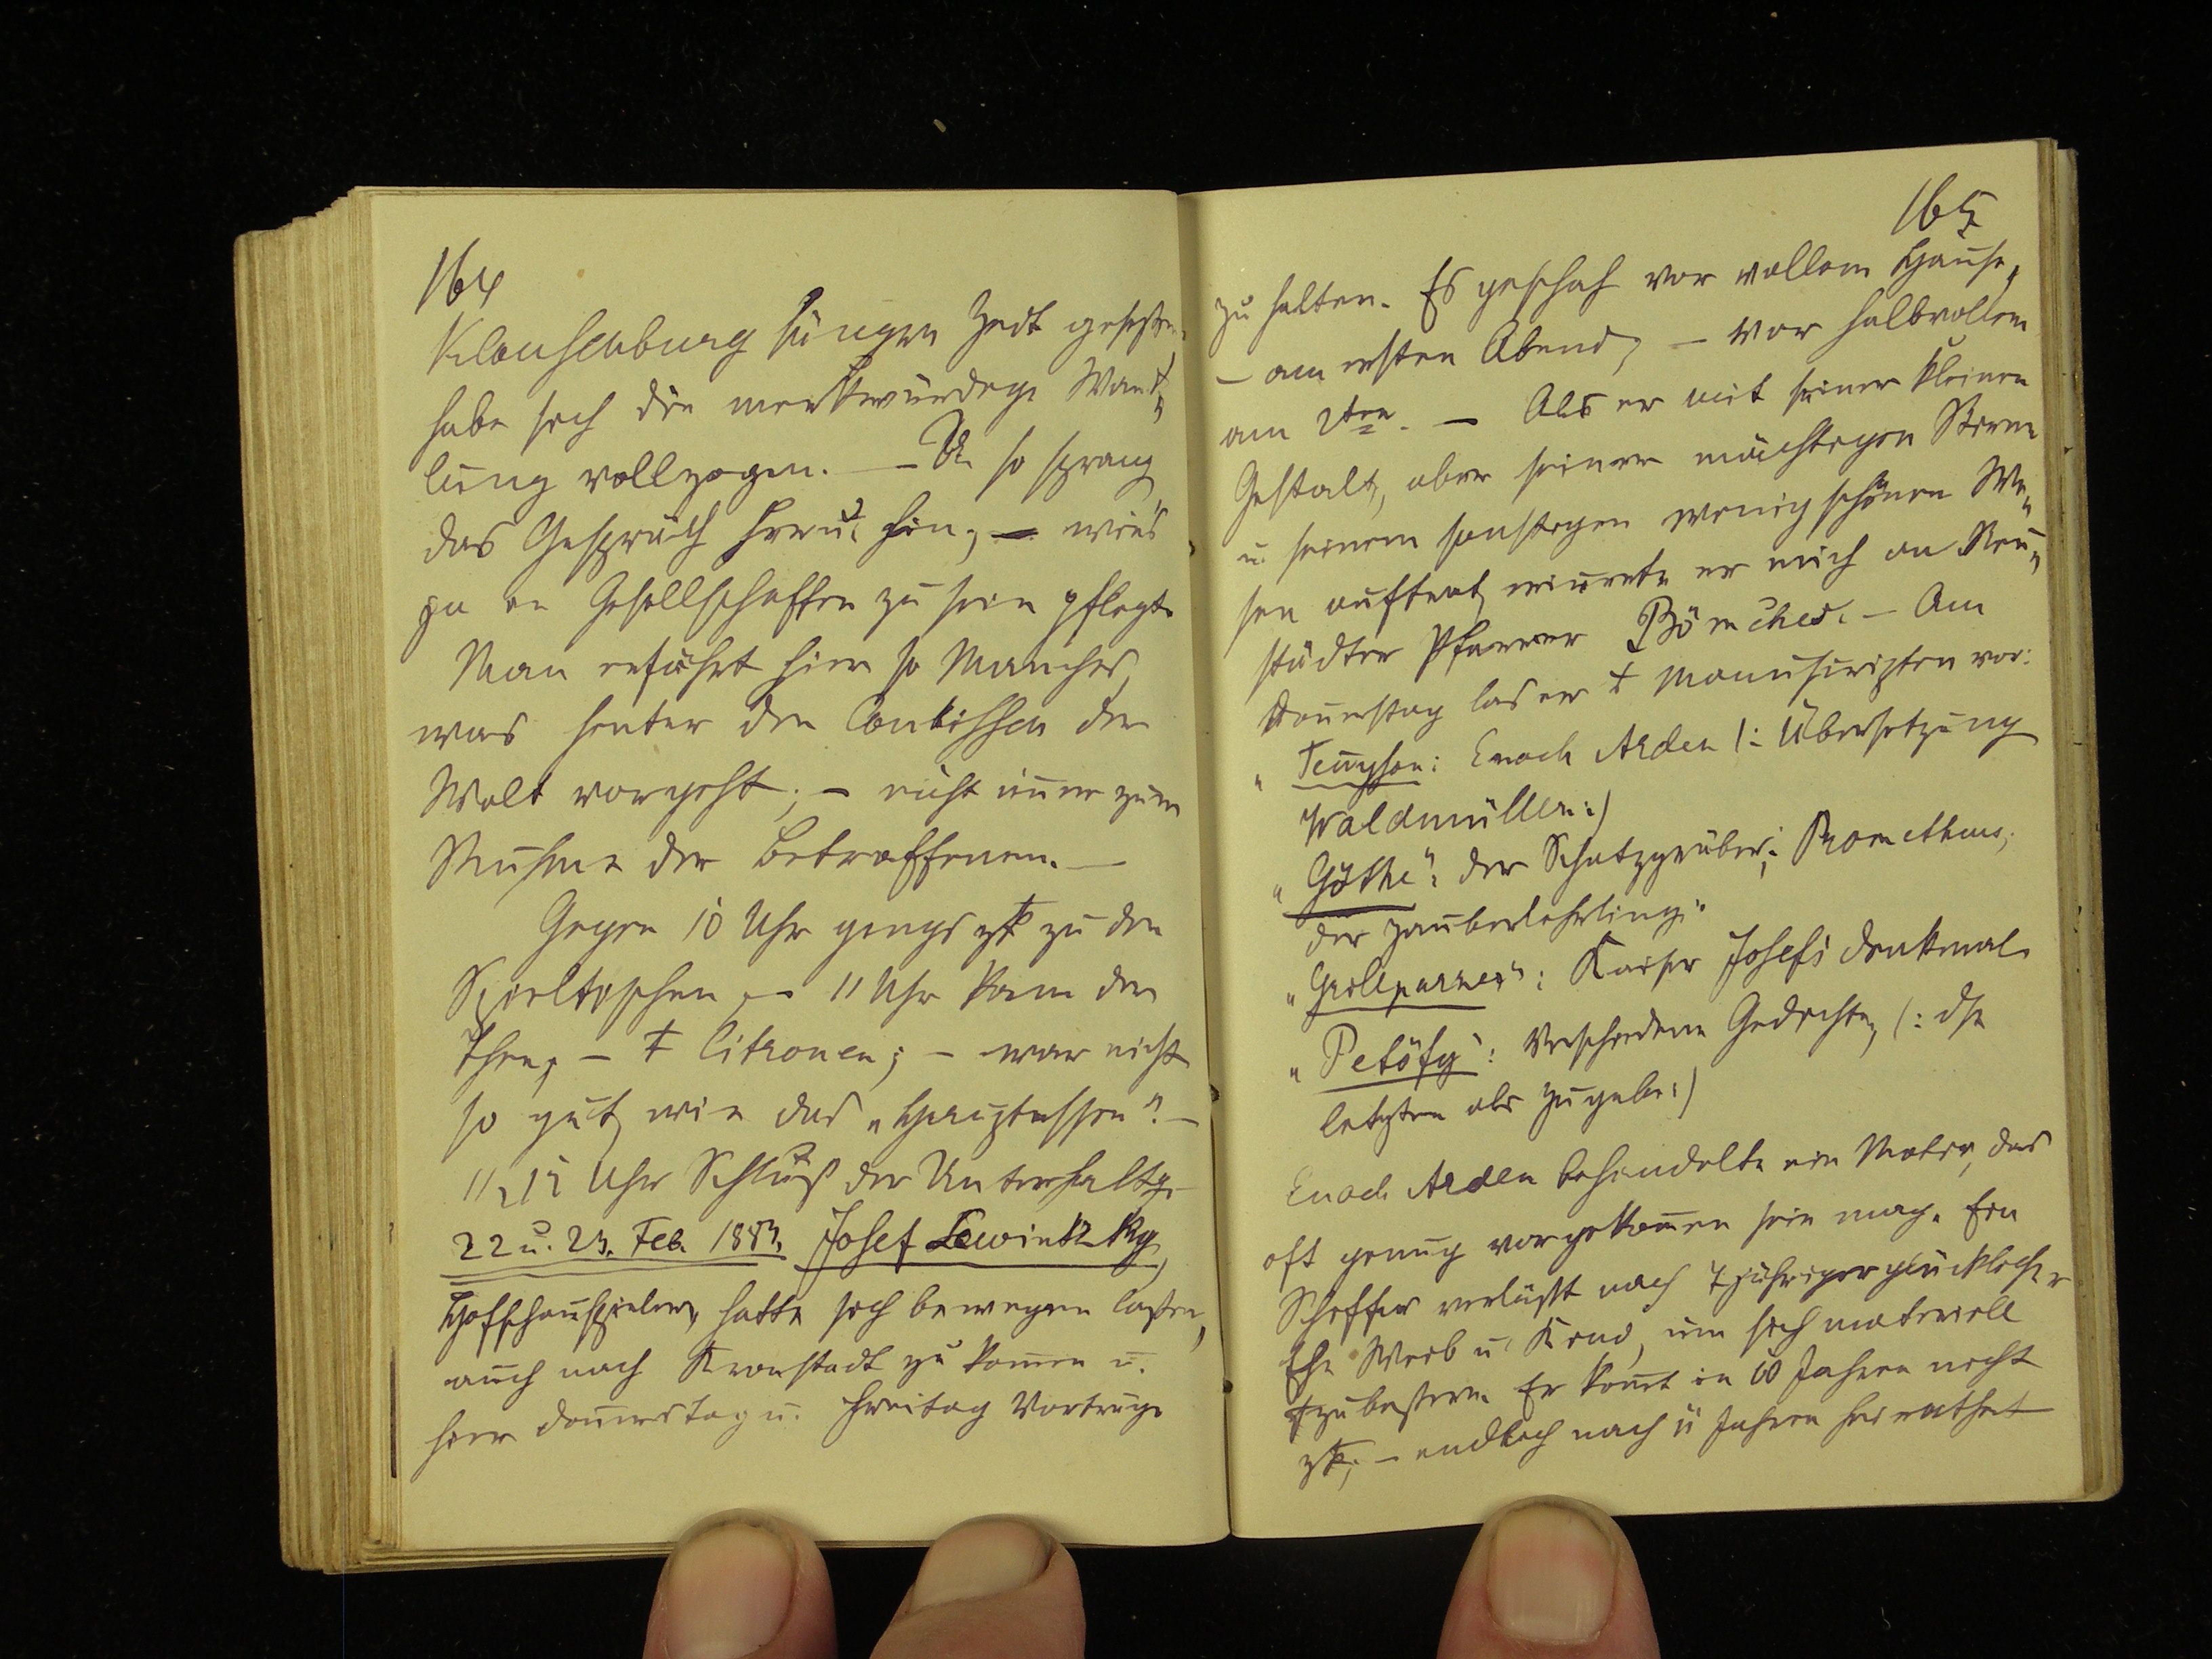164
Klausenburg jüngrn Zeidt gesehen,
habe sich die merkwürdige Wand¬
lung vollzogen.—Und so sprang
das Gespräch her und hin;- wies
so in Gesellschaften zu sein pflegte.
Man erfährt hier so manches
was in den Coulissen der
Welt vorgeht,-Nicht immer zum
Ruhme der Betroffenen.—
Gegen 10 Uhr gings zusammen zu den
Spieltischen,- 11 Uhr kam der
Thee ,- mit Citrone; - war nicht
so gut wie das „Hauptessen“
½ 12 Uhr Schluß der Unterhaltung.
22 und 23. Februar 1883. Josef Lewinsky
Hofschauspielerhatte sich bewegen laßen
auch nach Kronstadt zu kommen und
hier Donnerstag und Freitag Voträge
165
zu halten. Es geschah vor vollem Hause.
- am ersten Abend- vor halbvollem
am 2- ten.- Als er mit seiner kleiner
Gestalt, aber seiner mächtigen Stimme
und seinem sonstigen wenig schönem We¬
sen auftrat , erinnerte er mich an den Kron¬
städter Pfarrer Bömches.—Am
Donnerstag las er aus Manuskripten vor:
„ Tennyson „: Enoch Arden (: Übersetzung
Waldmüller : )
„Göthe“: Der Schatzgräber; , Prometheus,
der Zauberlehrling“
„Grillparzer“ . Kaiser Josefs Denkmal
„Petöfy“ . Verschiedene Gedichte (: diese
letzten als Zugabe : )
Enoch Arden behandelte ein Motiv, das
oft genug vorgekommen sein mag. Ein
Schiffer verläßt nach 7-jähriger glücklichen
Ehe, Weib und Kind, um sich materiell
aufzu beßern. Er kommt in 60 Jahre nicht
zurück; - endlich nach 11 Jahren heirathet